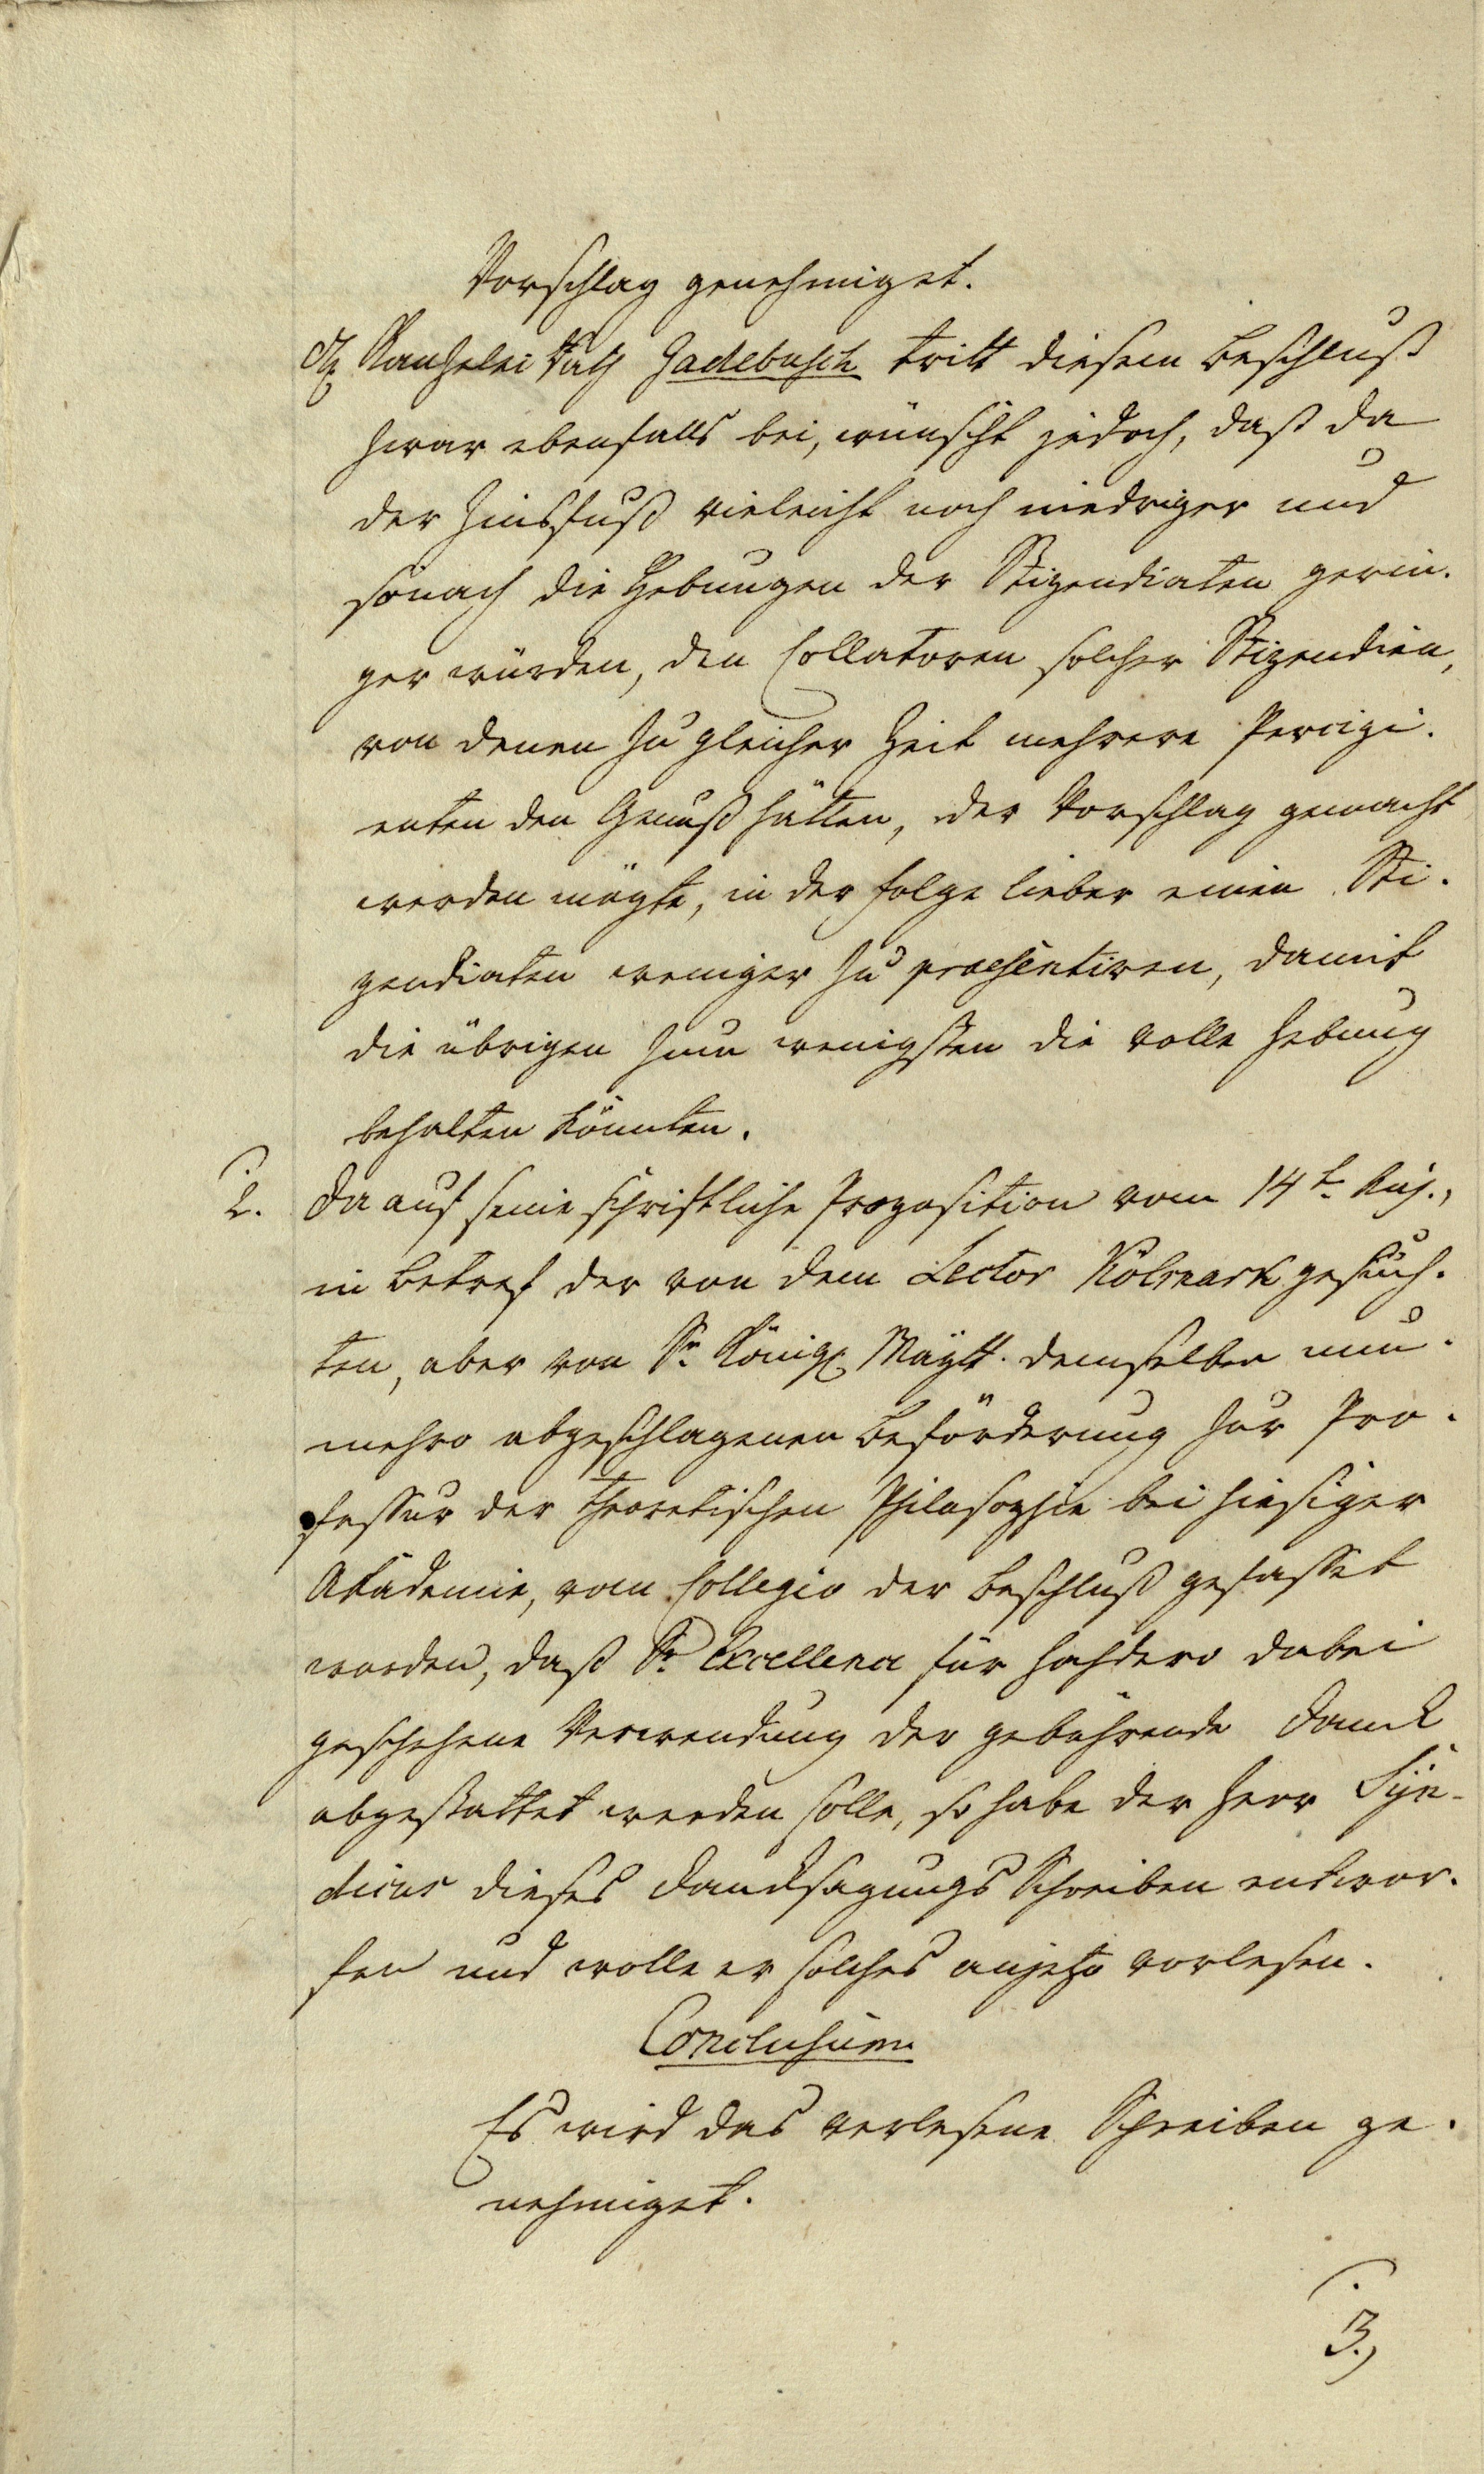Vorschlag genehmiget.
dh. Kanzelei Rath Gadebusch tritt diesem Beschluß
zwar ebenfalls bei, wünscht jedoch, daß da
der Zinsfuß vieleicht noch niedriger und
sonach die Hebungen der Stipendiaten gerin¬
ger würden, den Collatoren solcher Stipendien,
von denen zu gleicher Zeit mehrere Percipi¬
enten den Genuß hätten, der Vorschlag gemacht
werden mögte, in der Folge lieber einen Sti¬
pendiaten weniger zu praesentiren, damit
die übrigen zum wenigsten die volle Hebung
behalten könnten.
2. Da auf seine schriftliche Proposition vom 14. t. huj.,
in Betref der von dem Rector Kölmark gesuch¬
ten, aber von Sr Königl. Maÿst. demselben nun¬
mehro abgeschlagenen Beförderung zur Pro¬
fessur der theoretischen Philosophie bei hiesiger
Akademie, vom Collegio der Beschluß gefasset
worden, daß Sr Excellence für hochdero dabei
geschehene Verwendung der gebührende Danck
abgestattet werden solle, so habe der Herr Sÿn¬
dicus dieses Dancksagungs Schreiben entwor¬
fen und wolle er solches anjetzo vorlesen.
Conclusum
Es wird das verlesene Schreiben ge¬
nehmiget.
3.,